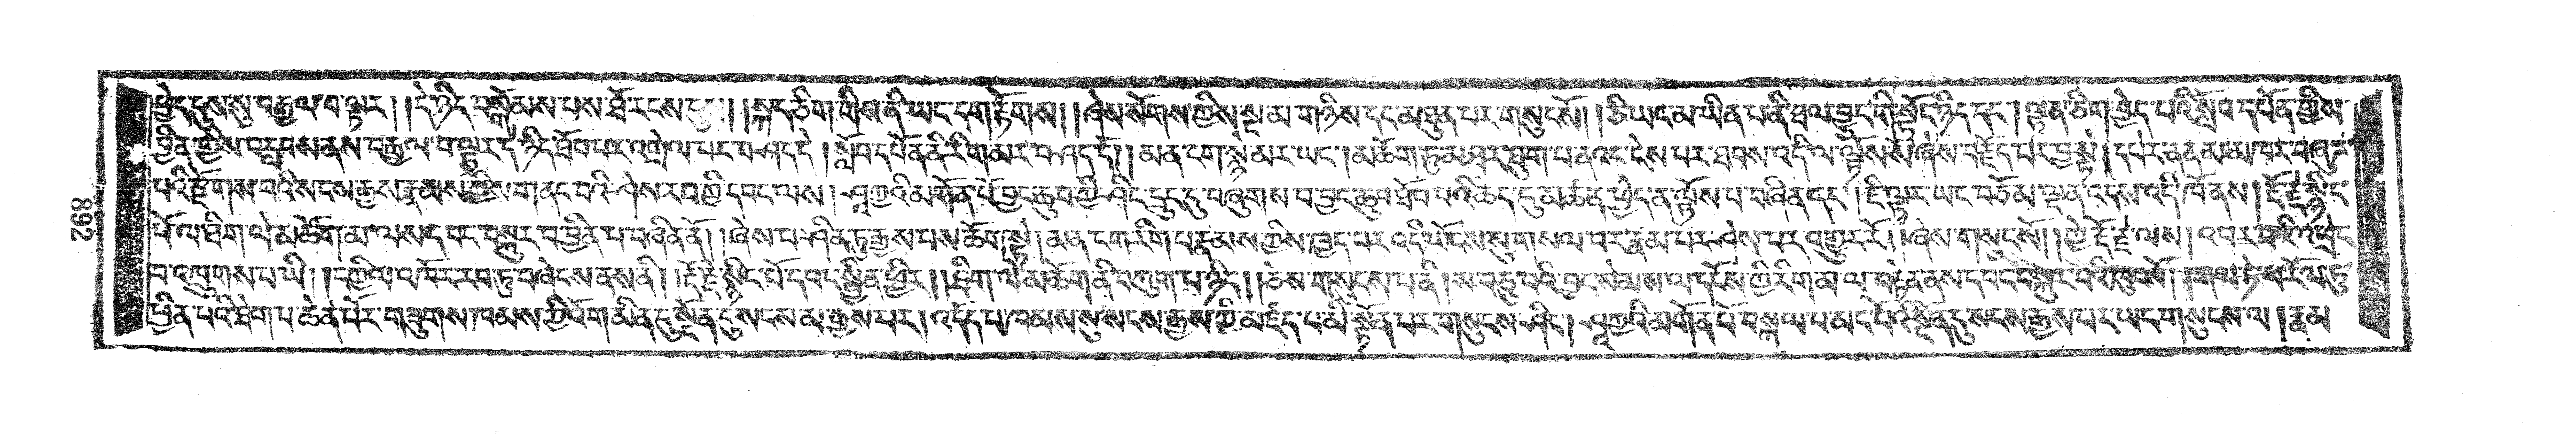ཕྱེད་དུས་སུ་བརྒྱལ་བ་ལྟར། །དེ་ཉིད་བསྒོམས་པས་ཐོ་རངས་དུས། །སྐད་ཅིག་གིས་ནི་ཡང་དག་རྟོགས། །ཞེས་སོགས་ཀྱིས་སྔ་མ་གཉིས་དང་མཐུན་པར་གསུངས་སོ། །ཅི་ཡང་མ་ཡིན་པ་ནི་ཐལ་བྱུང་གི་སྟོང་ཉིད་དང་། ལྷན་ཅིག་བྱེད་པའི་སློབ་དཔོན་གྱིས་
བྱིན་གྱིས་བརླབས་ནས་བརྒྱལ་བ་ལྟར་དེ་ཉིད་ཐོབ་པར་འགྲེལ་པར་བཤད་དེ། སློབ་དཔོན་ནི་རིག་མར་བཤད་དོ། །མན་ངག་སྙེ་མར་ཡང་། མཆོག་ཏུ་མཐར་ཐུག་པ་ནའང་ངེས་པར་ཐབས་འདི་ལ་ལྟོས་སོ་ཞེས་བརྗོད་པར་བྱ་སྟེ། དཔེར་ན་ནམ་མཁར་བཞུགས་
པའི་རྫོགས་པའི་སངས་རྒྱས་རྣམས་ཀྱིས་གནང་བའི་ཤེས་རབ་ཀྱི་དབང་ལས། ཤཱཀྱའི་མགོན་པོ་བྱང་ཆུབ་ཀྱི་ཤིང་དྲུང་དུ་བཞུགས་པ་བྱང་ཆུབ་ཐོབ་པའི་ཆེད་དུ་མཚན་ཕྱེད་ན་ལྟོས་པ་བཞིན་དང་། ཇི་ལྟར་ཡང་བཅོམ་ལྡན་འདས་འདི་ཁོ་ནས། རྡོ་རྗེ་སྙིང་
པོ་ལ་ཐིག་ལེ་མཆོག་མ་ལས་དབང་བསྐུར་བ་བྱིན་པ་བཞིན་ནོ། །ཞེས་པ་ཤིན་ཏུ་རྒྱས་པས་ཆོག་སྟེ། མན་ངག་རིག་པ་རྣམས་ཀྱིས་ཁྱད་པར་འདི་ཡོངས་སུ་གསལ་བར་རྣམ་པར་ཤེས་པར་འགྱུར་རོ། །ཞེས་གསུངས་སོ། །ཀྱེ་རྡོ་རྗེ་ལས། འབར་བའི་འཕྲེང་
བ་འཁྲུགས་པ་ཡི། །དཀྱིལ་འཁོར་རབ་ཏུ་བཞེངས་ནས་ནི། །རྡོ་རྗེ་སྙིང་པོ་དབང་སྦྱིན་ཕྱིར། །ཐིག་ལེ་མཆོག་ནི་བཀུག་པ་ཉིད། །ཅེས་གསུངས་པ་ནི། ས་བཅུ་པའི་བྱང་སེམས་ལ་དངོས་ཀྱི་རིག་མ་ལ་བརྟེན་ནས་དབང་བསྐུར་བའི་ཁུངས་སོ། །གལ་ཏེ་ཕ་རོལ་ཏུ་
ཕྱིན་པའི་ཐེག་པ་ཆེན་པོར་གཟུགས་ཁམས་ཀྱི་འོག་མིན་དུ་སྔོན་དུ་སངས་མ་རྒྱས་པར། འདོད་པ་ཁམས་སུ་སངས་རྒྱས་ཀྱི་མཛད་པ་མི་སྟོན་པར་གསུངས་ཤིང་། ཤཱཀྱའི་མགོན་པོ་བསྐལ་པ་མང་པོའི་སྔོན་དུ་སངས་རྒྱས་པར་ཡང་གསུངས་ལ། རྣམ་